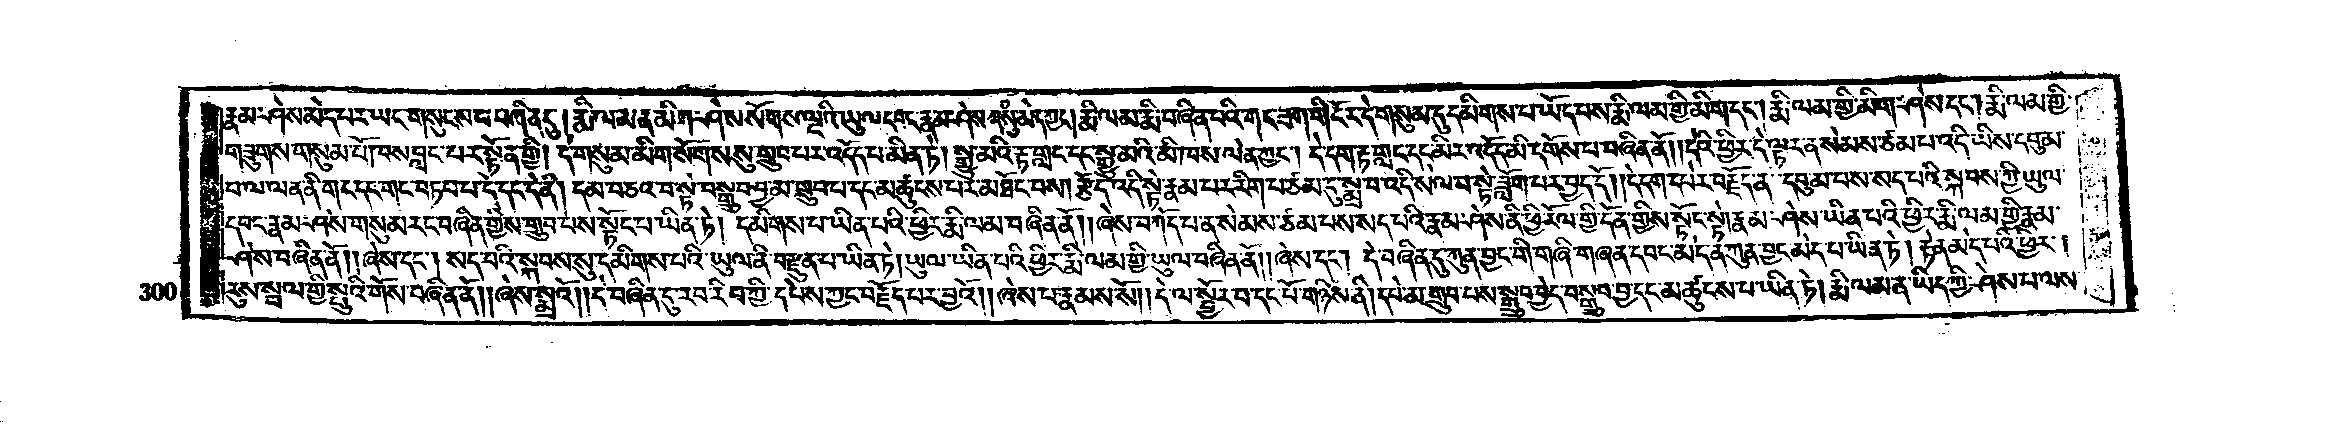རྣམ་ཤེས་མེད་པར་ཡང་གསུངས་པ་བཞིན་དུ། རྨི་ལམ་ན་མིག་ཤེས་སོགས་ལྔའི་ཡུལ་དབང་རྣམ་ཤེས་གསུམ་མེད་ཀྱང་། རྨི་ལམ་རྨི་བཞིན་པའི་གང་ཟག་གི་ངོར་དེ་གསུམ་དུ་དམིགས་པ་ཡོད་པས་རྨི་ལམ་གྱི་མིག་དང་། རྨི་ལམ་གྱི་མིག་ཤེས་དང་། རྨི་ལམ་གྱི་
གཟུགས་གསུམ་པོ་ཁས་བླང་པར་སྟོན་གྱི། དེ་གསུམ་མིག་སོགས་སུ་གྲུབ་པར་འདོད་པ་མིན་ཏེ། སྒྱུ་མའི་རྟ་གླང་དང་སྒྱུ་མའི་མི་ཁས་ལེན་ཀྱང་། དེ་དག་རྟ་གླང་དང་མིར་འདོད་མི་དགོས་པ་བཞིན་ནོ། །དེའི་ཕྱིར་དེ་ལྟར་ན་སེམས་ཙམ་པ་འདི་ཡིས་དབུ་མ་
པ་ལ་ལན་ནི་གང་དང་གང་བཏབ་པ་དེ་དང་དེ་ནི། དམ་བཅའ་བ་སྟེ་བསྒྲུབ་བྱ་མ་གྲུབ་པ་དང་མཚུངས་པར་མཐོང་བས། རྩོད་འདི་སྟེ་རྣམ་པར་རིག་པ་ཙམ་དུ་སྨྲ་བ་འདི་སེལ་བ་སྟེ་ཟློག་པར་བྱད་དོ། །དེ་དག་དཔེར་བརྗོད་ན་དབུ་མ་པས་སད་པའི་སྐབས་ཀྱི་ཡུལ་
དབང་རྣམ་ཤེས་གསུམ་རང་བཞིན་གྱིས་གྲུབ་པས་སྟོང་པ་ཡིན་ཏེ། དམིགས་པ་ཡིན་པའི་ཕྱིར་རྨི་ལམ་བཞིན་ནོ། །ཞེས་བཀོད་པ་ན་སེམས་ཙམ་པས་སད་པའི་རྣམ་ཤེས་ནི་ཕྱི་རོལ་གྱི་དོན་གྱིས་སྟོང་སྟེ། རྣམ་ཤེས་ཡིན་པའི་ཕྱིར་རྨི་ལམ་གྱི་རྣམ་
ཤེས་བཞིན་ནོ། །ཞེས་དང་། སད་པའི་སྐབས་སུ་དམིགས་པའི་ཡུལ་ནི་བརྫུན་པ་ཡིན་ཏེ། ཡུལ་ཡིན་པའི་ཕྱིར་རྨི་ལམ་གྱི་ཡུལ་བཞིན་ནོ། །ཞེས་དང་། དེ་བཞིན་དུ་ཀུན་བྱང་གི་གཞི་གཞན་དབང་མེད་ན་ཀུན་བྱང་མེད་པ་ཡིན་ཏེ། རྟེན་མེད་པའི་ཕྱིར།
རུས་སྦལ་གྱི་སྤུའི་གོས་བཞིན་ནོ། །ཞེས་སྨྲའོ། །དེ་བཞིན་དུ་རབ་རི་བ་ཀྱི་དཔེས་ཀྱང་བརྗོད་པར་བྱའོ། །ཞེས་པ་རྣམས་སོ། །དེ་ལ་སྦྱོར་བ་དང་པོ་གཉིས་ནི། དཔེ་མ་གྲུབ་པས་སྒྲུབ་བྱེད་བསྒྲུབ་བྱ་དང་མཚུངས་པ་ཡིན་ཏེ། རྨི་ལམ་ན་ཡིད་ཀྱི་ཤེས་པ་ལས་